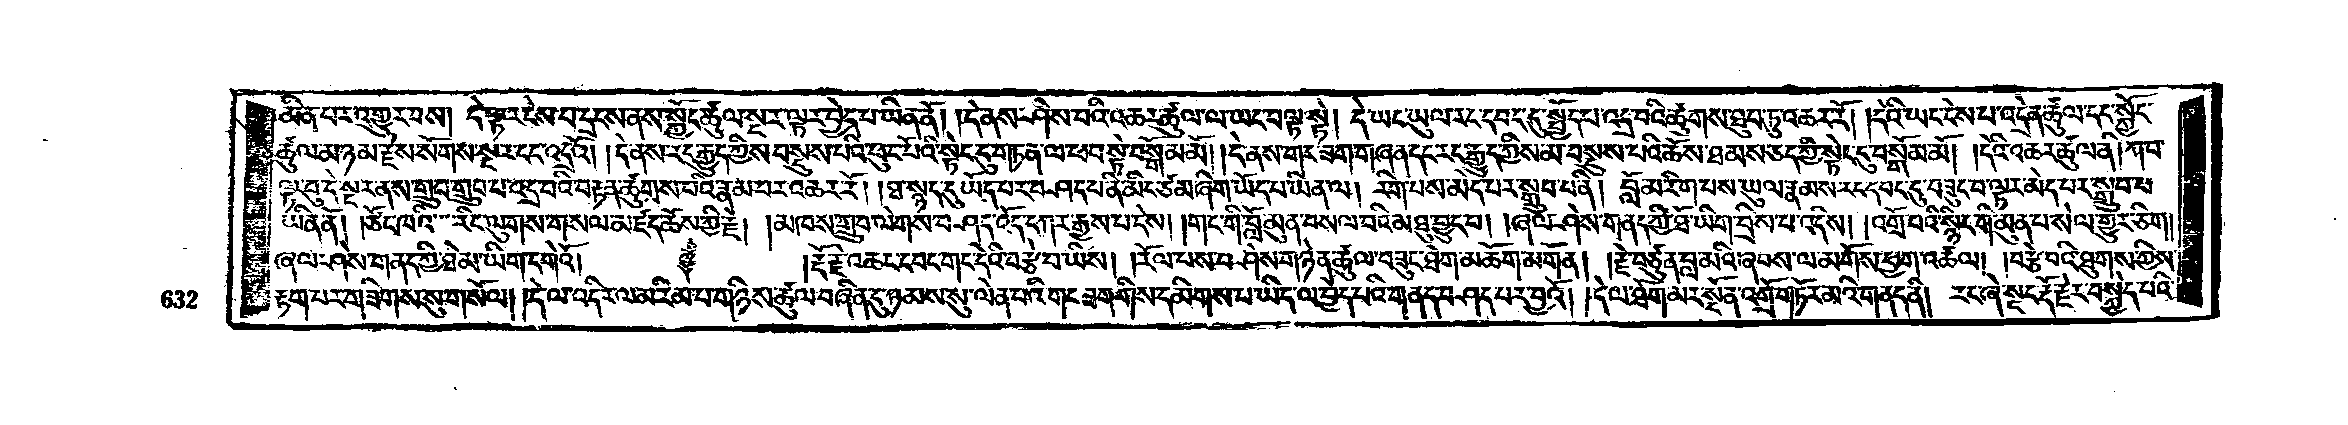མིན་པར་འགྱུར་བས། དེ་ལྟར་ངེས་པ་དྲངས་ནས་སྐྱོང་ཚུལ་སྔར་ལྟར་བྱེད་པ་ཡིན་ནོ། །དེ་ནས་ཤེས་པའི་འཆར་ཚུལ་ལ་ཡང་བལྟ་སྟེ། དེ་ཡང་ཡུལ་རང་དབང་དུ་སྤྱོད་པ་འདྲ་བའི་ཚུགས་ཐུབ་ཏུ་འཆར་རོ། །དེའི་ཡང་ངེས་པ་འདྲེན་ཚུལ་དང་སྐྱོང་
ཚུལ་མཉམ་རྗེས་སོགས་སྔར་དང་འདྲའོ། །དེ་ནས་རང་རྒྱུད་ཀྱིས་བསྡུས་པའི་ཕུང་པོའི་སྟེང་དུ་གཏན་ལ་ཕབ་སྟེ་བསྒོམ་མོ། །དེ་ནས་གང་ཟག་གཞན་དང་རང་རྒྱུད་ཀྱིས་མ་བསྡུས་པའི་ཆོས་ཐམས་ཅད་ཀྱི་སྟེང་དུ་བསྒོམ་མོ། །དེའི་འཆར་ཚུལ་ནི། ཀ་བ་
ལྟ་བུ་དེ་སྔར་ནས་གྲུབ་གྲུབ་པ་འདྲ་བའི་བརྟན་ཚུགས་པའི་རྣམ་པར་འཆར་རོ། །ཐ་སྙད་དུ་ཡོད་པར་བཤད་པ་ནི་མིང་ཙམ་ཞིག་ཡོད་པ་ཡིན་ལ། རིག་པས་མེད་པར་སྒྲུབ་པ་ནི། བློ་མ་རིག་པས་ཡུལ་རྣམས་རང་དབང་དུ་བཟུང་བ་ལྟར་མེད་པར་སྒྲུབ་པ་
ཡིན་ནོ། །ཙོང་ཁའི་རིང་ལུགས་གསལ་མཛད་ཆོས་ཀྱི་རྗེ། །མཁས་གྲུབ་ལེགས་བཤད་འོད་དཀར་རྒྱས་པ་དེས། །གང་གི་བློ་མུན་བསལ་བའི་མཐུ་བྱུང་བ། །ཞལ་ཤེས་གནད་ཀྱི་ཐོ་ཡིག་བྲིས་པ་འདིས། །འགྲོ་བའི་སྙིང་གི་མུན་པ་སེལ་གྱུར་ཅིག །
ཞལ་ཤེས་གནད་ཀྱི་ཐེམ་ཡིག་དགེའོ། ༈ །རྡོ་རྗེ་འཆང་དབང་གང་དེའི་བརྩེ་བ་ཡིས། །རོལ་པས་བཤེས་གཉེན་ཚུལ་བཟུང་ཐེག་མཆོག་མགོན། །རྗེ་བཙུན་བླ་མའི་ཞབས་ལ་མགོས་ཕྱག་འཚལ། །བརྩེ་བའི་ཐུགས་ཀྱིས་
རྟག་པར་གཟིགས་སུ་གསོལ། །དེ་ལ་འདིར་ལམ་རིམ་པ་གཉིས་ཚུལ་བཞིན་དུ་ཉམས་སུ་ལེན་པའི་གང་ཟག་གིས་དམིགས་པ་ཡིད་ལ་བྱེད་པའི་གནད་བཤད་པར་བྱའོ། །དེ་ལ་ཐོག་མར་སྔོན་འགྲོ་གཏོར་མའི་གནད་ནི། རང་ཞེ་སྡང་རྡོ་རྗེར་བསྐྱེད་པའི་